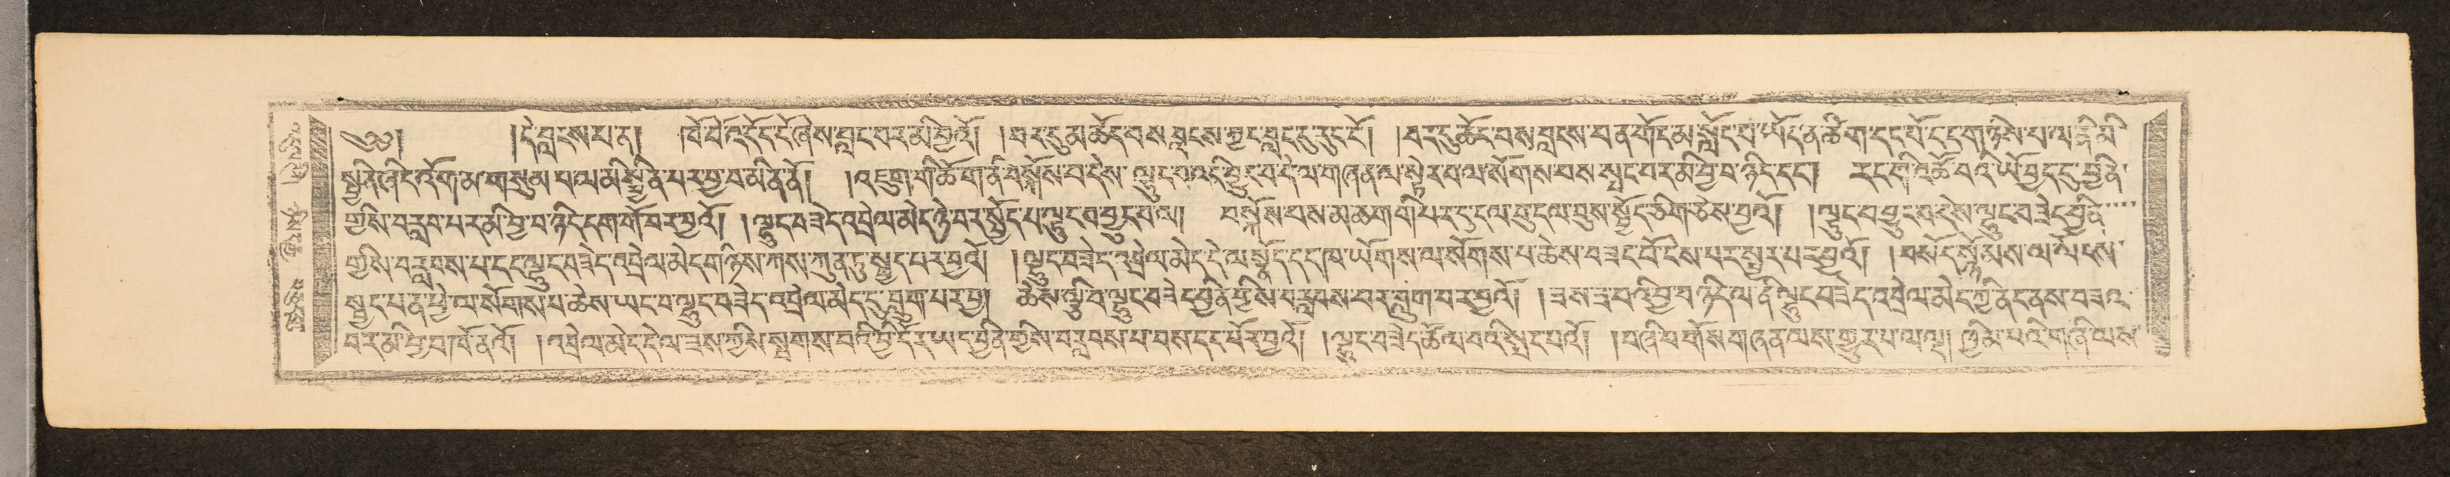༄༅། །དེ་བླངས་པ་ན། ཁོ་བོ་འདོད་དོ་ཞེས་བླང་བར་མི་བྱའོ། །བར་དུ་མཆོད་པས་བླངས་ཀྱང་བླང་དུ་རུང་ངོ། །བར་དུ་ཆོད་པས་བླངས་བ་ན་གོང་མ་སློང་བ་ཡོད་ན་ཚིག་དང་པོ་དང་གཉིས་པ་ལ་ནི་མི་
སྦྱིན་ཞིང་འོག་མ་གསུམ་པ་ལ་མི་སྦྱིན་པར་བྱ་བ་མིན་ནོ། །འཇུག་གི་ཆོ་ག་ནི་བསྐོས་པ་དེས་ལྟུང་བ་འདི་བྱུང་བ་དེ་ལ་གཞན་ལ་སྟེར་བ་ལ་སོགས་པས་སྤང་བར་མི་བྱ་བ་ཉིད་དང་། རང་གི་འཚོ་བའི་ཡོ་བྱད་དུ་ཕྱིན་
གྱིས་བརླབ་པར་མི་བྱ་བ་ཉིད་དག་གོ་པར་བྱའོ། །ལྷུང་བཟེད་འབྲེལ་མེད་ཉེ་བར་སྤྱོད་པ་ལྟུང་བ་བྱུང་བ་ལ། བསྐོས་པས་མཆོག་གི་བར་དུ་དལ་བུ་དལ་བུས་སྤྱོད་ཅིག་ཅེས་བྱའོ། །ལྟུང་བ་བྱུང་བ་དེས་ལྷུང་བཟེད་བྱིན་
གྱིས་བརླབས་བ་དང་ལྷུང་བཟེད་འབྲེལ་མེད་གཉིས་ཀས་ཀུན་ཏུ་སྤྱད་པར་བྱའོ། །ལྷུང་བཟེད་འབྲེལ་མེད་དེ་ལ་སྣོད་དང་ཁ་ཡོགས་ལ་སོགས་པ་ཆེས་བཟང་བོ་དེས་བར་སྦྱར་བར་བྱའོ། །བསོད་སྙོམས་ལ་ལོངས་
སྤྱད་པ་ན་ཕྱེ་ལ་སོགས་པ་ཆེས་ཡང་བ་ལྷུང་བཟེད་འབྲེལ་མེད་དུ་བླུག་པར་བྱ། ཆེས་ལྕི་བ་ལྷུང་བཟེད་བྱིན་གྱིས་བརླབས་པར་བླུག་པར་བྱའོ། །ཟས་ཟ་བའི་བྱ་བ་ཉིད་ལ་ནི་ལྷུང་བཟེད་འབྲེལ་མེད་ཀྱི་ནང་ནས་བཟའ་
བར་མི་བྱ་བ་ཁོ་ནའོ། །འབྲེལ་མེད་དེ་ལ་ཟས་ཀྱིས་སྦགས་པའི་བྱི་དོར་ཡང་བྱིན་གྱིས་བརླབས་པ་བས་དང་པོར་བྱའོ། །ལྷུང་བཟེད་ཚོལ་བའི་སྦད་བའོ། །བཞི་པ་གོས་གཞན་ལས་གྱུར་བ་ལ་ལྔ། ཁྱིམ་པའི་གཞི་ལས་